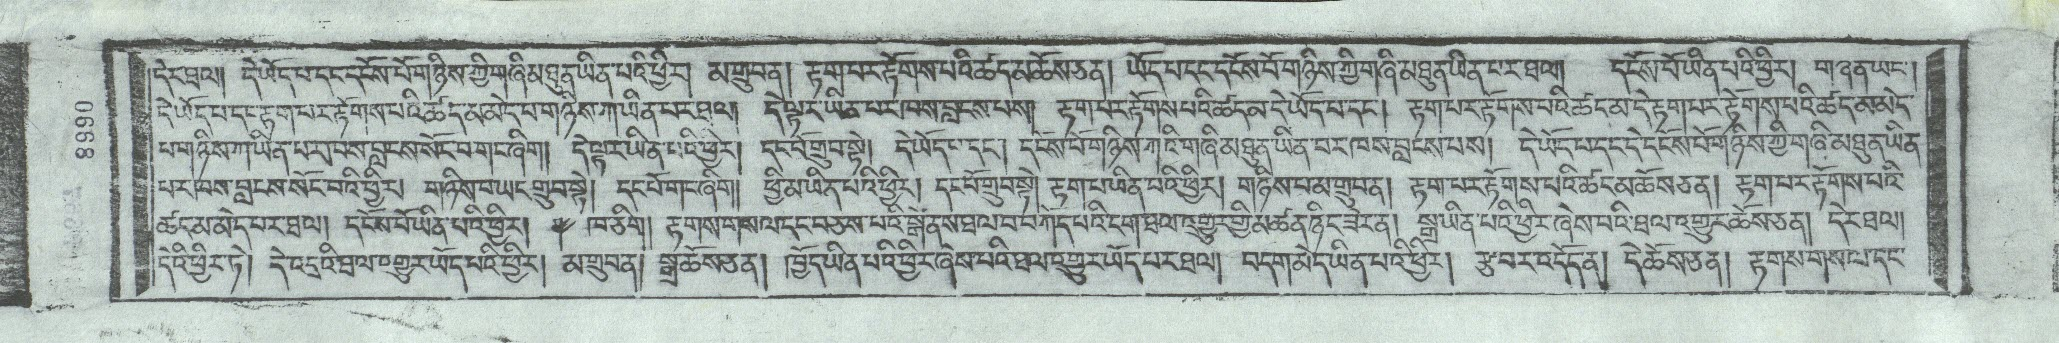དེར་ཐལ། དེ་ཡོད་པ་དང་དངོས་པོ་གཉིས་ཀྱི་གཞི་མཐུན་ཡིན་པའི་ཕྱིར། མ་གྲུབ་ན། རྟག་པར་རྟོགས་པའི་ཚད་མ་ཆོས་ཅན། ཡོད་པ་དང་དངོས་པོ་གཉིས་ཀྱི་གཞི་མཐུན་ཡིན་པར་ཐལ། དངོས་པོ་ཡིན་པའི་ཕྱིར། གཞན་ཡང་།
དེ་ཡོད་པ་དང་རྟག་པར་རྟོགས་པའི་ཚད་མ་མེད་པ་གཉིས་ཀ་ཡིན་པར་ཐལ། དེ་ལྟར་ཡིན་པར་ཁས་བླངས་པས། རྟག་པར་རྟོགས་པའི་ཚད་མ་དེ་ཡོད་པ་དང་། རྟག་པར་རྟོགས་པའི་ཚད་མ་དེ་རྟག་པར་རྟོགས་པའི་ཚད་མ་མེད་
པ་གཉིས་ཀ་ཡིན་པར་ཁས་བླངས་སོང་བ་གང་ཞིག། དེ་ལྟར་ཡིན་པའི་ཕྱིར། དང་པོ་གྲུབ་སྟེ། དེ་ཡོད་པ་དང་། དངོས་པོ་གཉིས་ཀའི་གཞི་མཐུན་ཡིན་པར་ཁས་བླངས་པས། དེ་ཡོད་པ་དང་དེ་དངོས་པོ་གཉིས་ཀྱི་གཞི་མཐུན་ཡིན་
པར་ཁས་བླངས་སོང་བའི་ཕྱིར། གཉིས་པ་ཡང་གྲུབ་སྟེ། དང་པོ་གང་ཞིག། ཕྱི་མ་ཡིན་པའི་ཕྱིར། དང་པོ་གྲུབ་སྟེ། རྟག་པ་ཡིན་པའི་ཕྱིར། གཉིས་པ་མ་གྲུབ་ན། རྟག་པར་རྟོགས་པའི་ཚང་མ་ཆོས་ཅན། རྟག་པར་རྟོགས་པའི་
ཚང་མ་མེད་པར་ཐལ། དངོས་པོ་ཡིན་པའི་ཕྱིར། ༈ ཁ་ཅིག། རྟགས་གསལ་དང་བཅས་པའི་སྒོ་ནས་ཐལ་བ་བཀོད་པའི་ངག་ཐལ་འགྱུར་གྱི་མཚན་ཉིད་ཟེར་ན། སྒྲ་ཡིན་པའི་ཕྱིར་ཞེས་པའི་ཐལ་འགྱུར་ཆོས་ཅན། དེར་ཐལ།
དེའི་ཕྱིར་ཏེ། དེ་འདྲའི་ཐལ་འགྱུར་ཡོད་པའི་ཕྱིར། མ་གྲུབ་ན། སྒྲ་ཆོས་ཅན། ཁྱོད་ཡིན་པའི་ཕྱིར་ཞེས་པའི་ཐལ་འགྱུར་ཡོད་པར་ཐལ། བདག་མེད་ཡིན་པའི་ཕྱིར། རྩ་བར་འདོད་ན། དེ་ཆོས་ཅན། རྟགས་གསལ་དང་